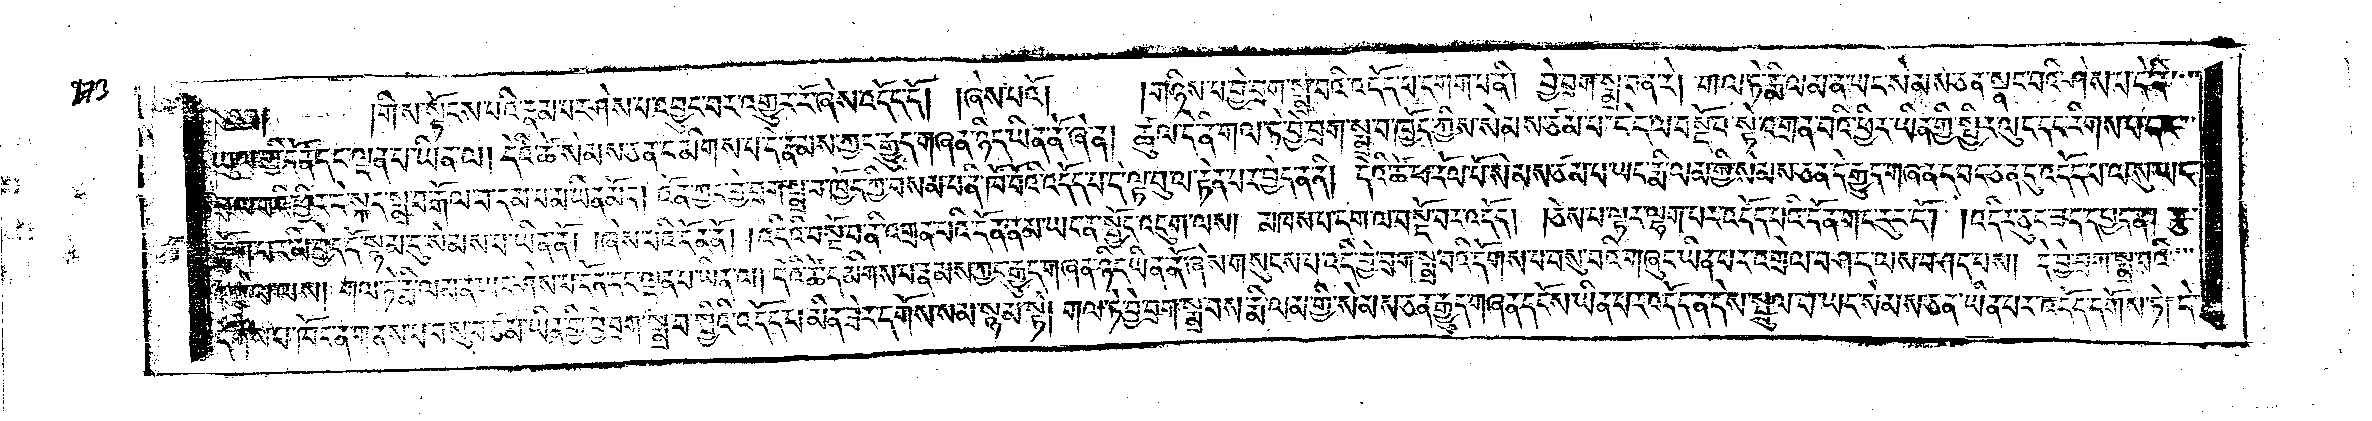༄༅། །གིས་སྟོངས་པའི་རྣམ་པར་ཤེས་པ་འབྱུང་བ་འགྱུར་རོ་ཞེས་འདོད་དོ། །ཞེས་པའོ། །གཉིས་པ་བྱེ་བྲག་སྨྲ་བའི་འདོད་པ་དགག་པ་ནི། བྱེ་བྲག་སྨྲ་བ་ན་རེ། གལ་ཏེ་རྨི་ལམ་ན་ཡང་སེམས་ཅན་སྣང་བའི་ཤེས་པ་དེ་ནི་
ཡུལ་གྱི་དོན་དང་ལྡན་པ་ཡིན་ལ། དེའི་ཚེ་སེམས་ཅན་དམིགས་པ་དེ་རྣམས་ཀྱང་རྒྱུད་གཞན་ཉིད་ཡིན་ནོ་ཞེ་ན། ཚུལ་དེ་ནི་གལ་ཏེ་བྱེ་བྲག་སྨྲ་བ་ཁྱོད་ཀྱིས་སེམས་ཙམ་པ་ངེད་ལ་བསྔོ་བ་སྟེ་འགྲན་བའི་ཕྱིར་ཡིན་གྱི་སྤྱིར་ལུང་དང་རིགས་པ་དང་
བྲལ་བའི་ཕྱིར་དེ་སྐད་སྨྲ་བ་རྒོལ་བ་དམ་པ་མ་ཡིན་མོད། འོན་ཀྱང་བྱེ་བྲག་སྨྲ་བ་ཁྱོད་ཀྱི་བསམ་པ་ནི་ཁོ་བོའི་འདོད་པ་དེ་ལྟ་བུ་ལ་རྟེན་པར་བྱེད་ན་ནི། དེའི་ཚེ་ཕ་རོལ་པོ་སེམས་ཙམ་པ་ཡང་རྨི་ལམ་གྱི་སེམས་ཅན་དེ་རྒྱུད་གཞན་དབང་ཅན་དུ་འདོད་པ་ལ་སུ་ཡང་
ཆོག་པར་མི་བྱེད་དོ་སྙམ་དུ་སེམས་པ་ཡིན་ནོ། །ཞེས་པའི་དོན་ནོ། །འདིའི་བསྔོ་བ་ནི་འགྲན་པའི་དོན་ནམ་ཡང་ན་སྤྱོད་འདུག་ལས། མཁས་པ་དག་ལ་བསྔོ་བར་འདོད། །ཅེས་པ་ལྟར་ལྷག་པར་འདོད་པའི་དོན་གང་རུང་ངོ། །འདིར་ཅུང་ཟད་དཔྱད་ན། རྩ་
འགྲེལ་ལས། གལ་ཏེ་རྨི་ལམ་ན་ཡང་ཤེས་པ་དོན་དང་ལྡན་པ་ཡིན་ལ། དེའི་ཚེ་དམིགས་པ་རྣམས་ཀྱང་རྒྱུད་གཞན་ཉིད་ཡིན་ནོ་ཞེས་གསུངས་པ་འདི་བྱེ་བྲག་སྨྲ་བའི་དོགས་པ་བསུ་བའི་གཞུང་ཡིན་པར་འགྲེལ་བཤད་ལས་བཤད་པས། དེ་བྱེ་བྲག་སྨྲ་བའི་
དོགས་པ་ཁོང་ན་གནས་བསུ་བ་ཙམ་ཡིན་གྱི་བྱེ་བྲག་སྨྲ་བ་སྤྱིའི་འདོད་པ་མིན་ཟེར་དགོས་སམ་སྙམ་སྟེ། གལ་ཏེ་བྱེ་བྲག་སྨྲ་བས་རྨི་ལམ་གྱི་སེམས་ཅན་རྒྱུད་གཞན་དངོས་ཡིན་པར་འདོད་ན་དེས་སྤྲུལ་བ་ཡང་སེམས་ཅན་ཡིན་པར་འདོད་དགོས་ཏེ། དེ་